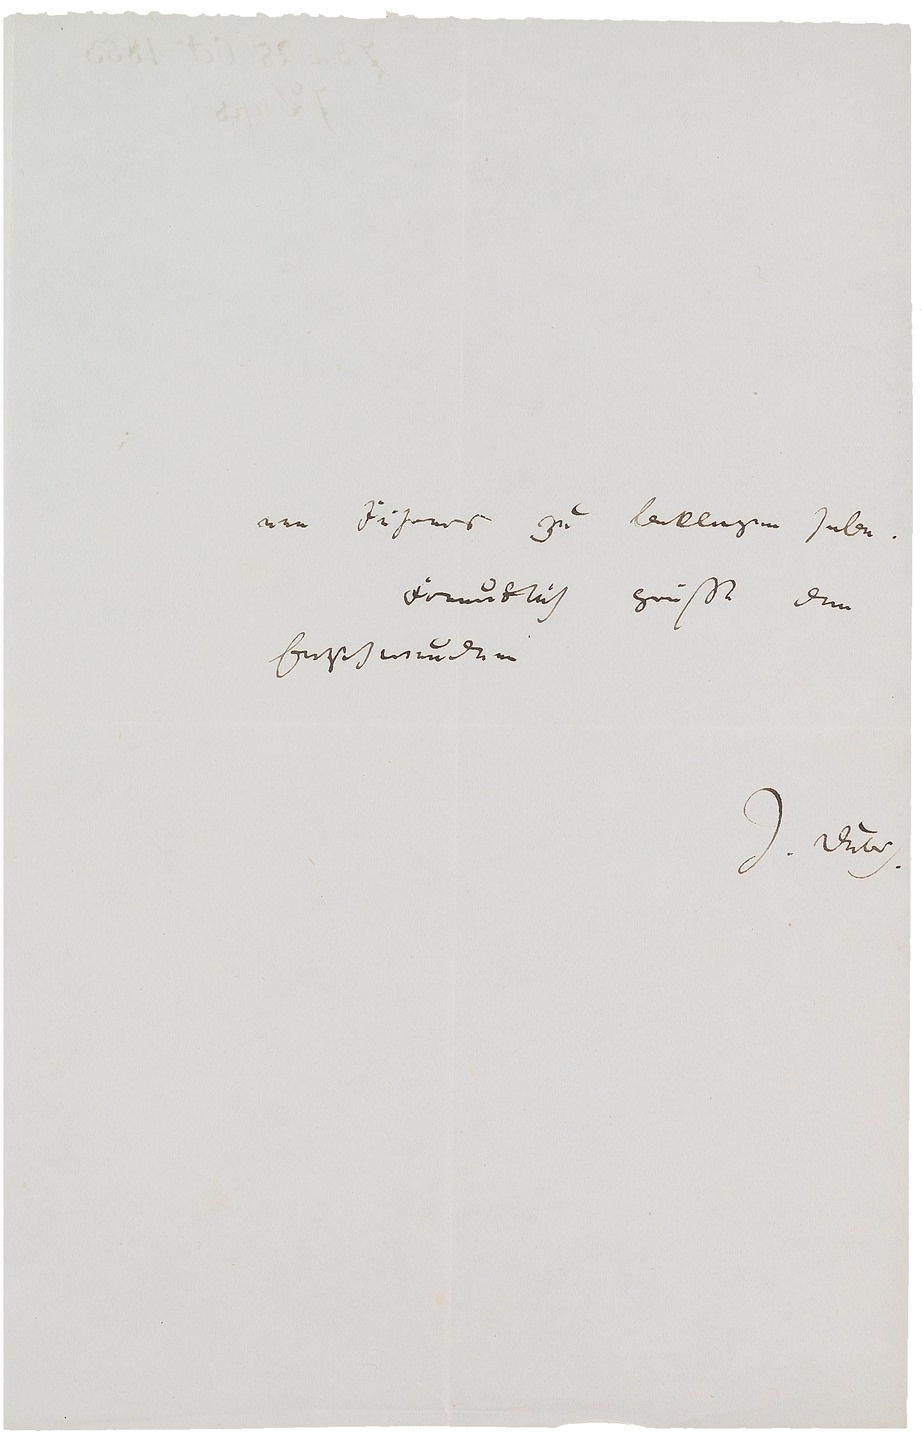nen Führers zu beklagen habe.
Freundlich
grüßt den
Entschwundnen
Dubs.